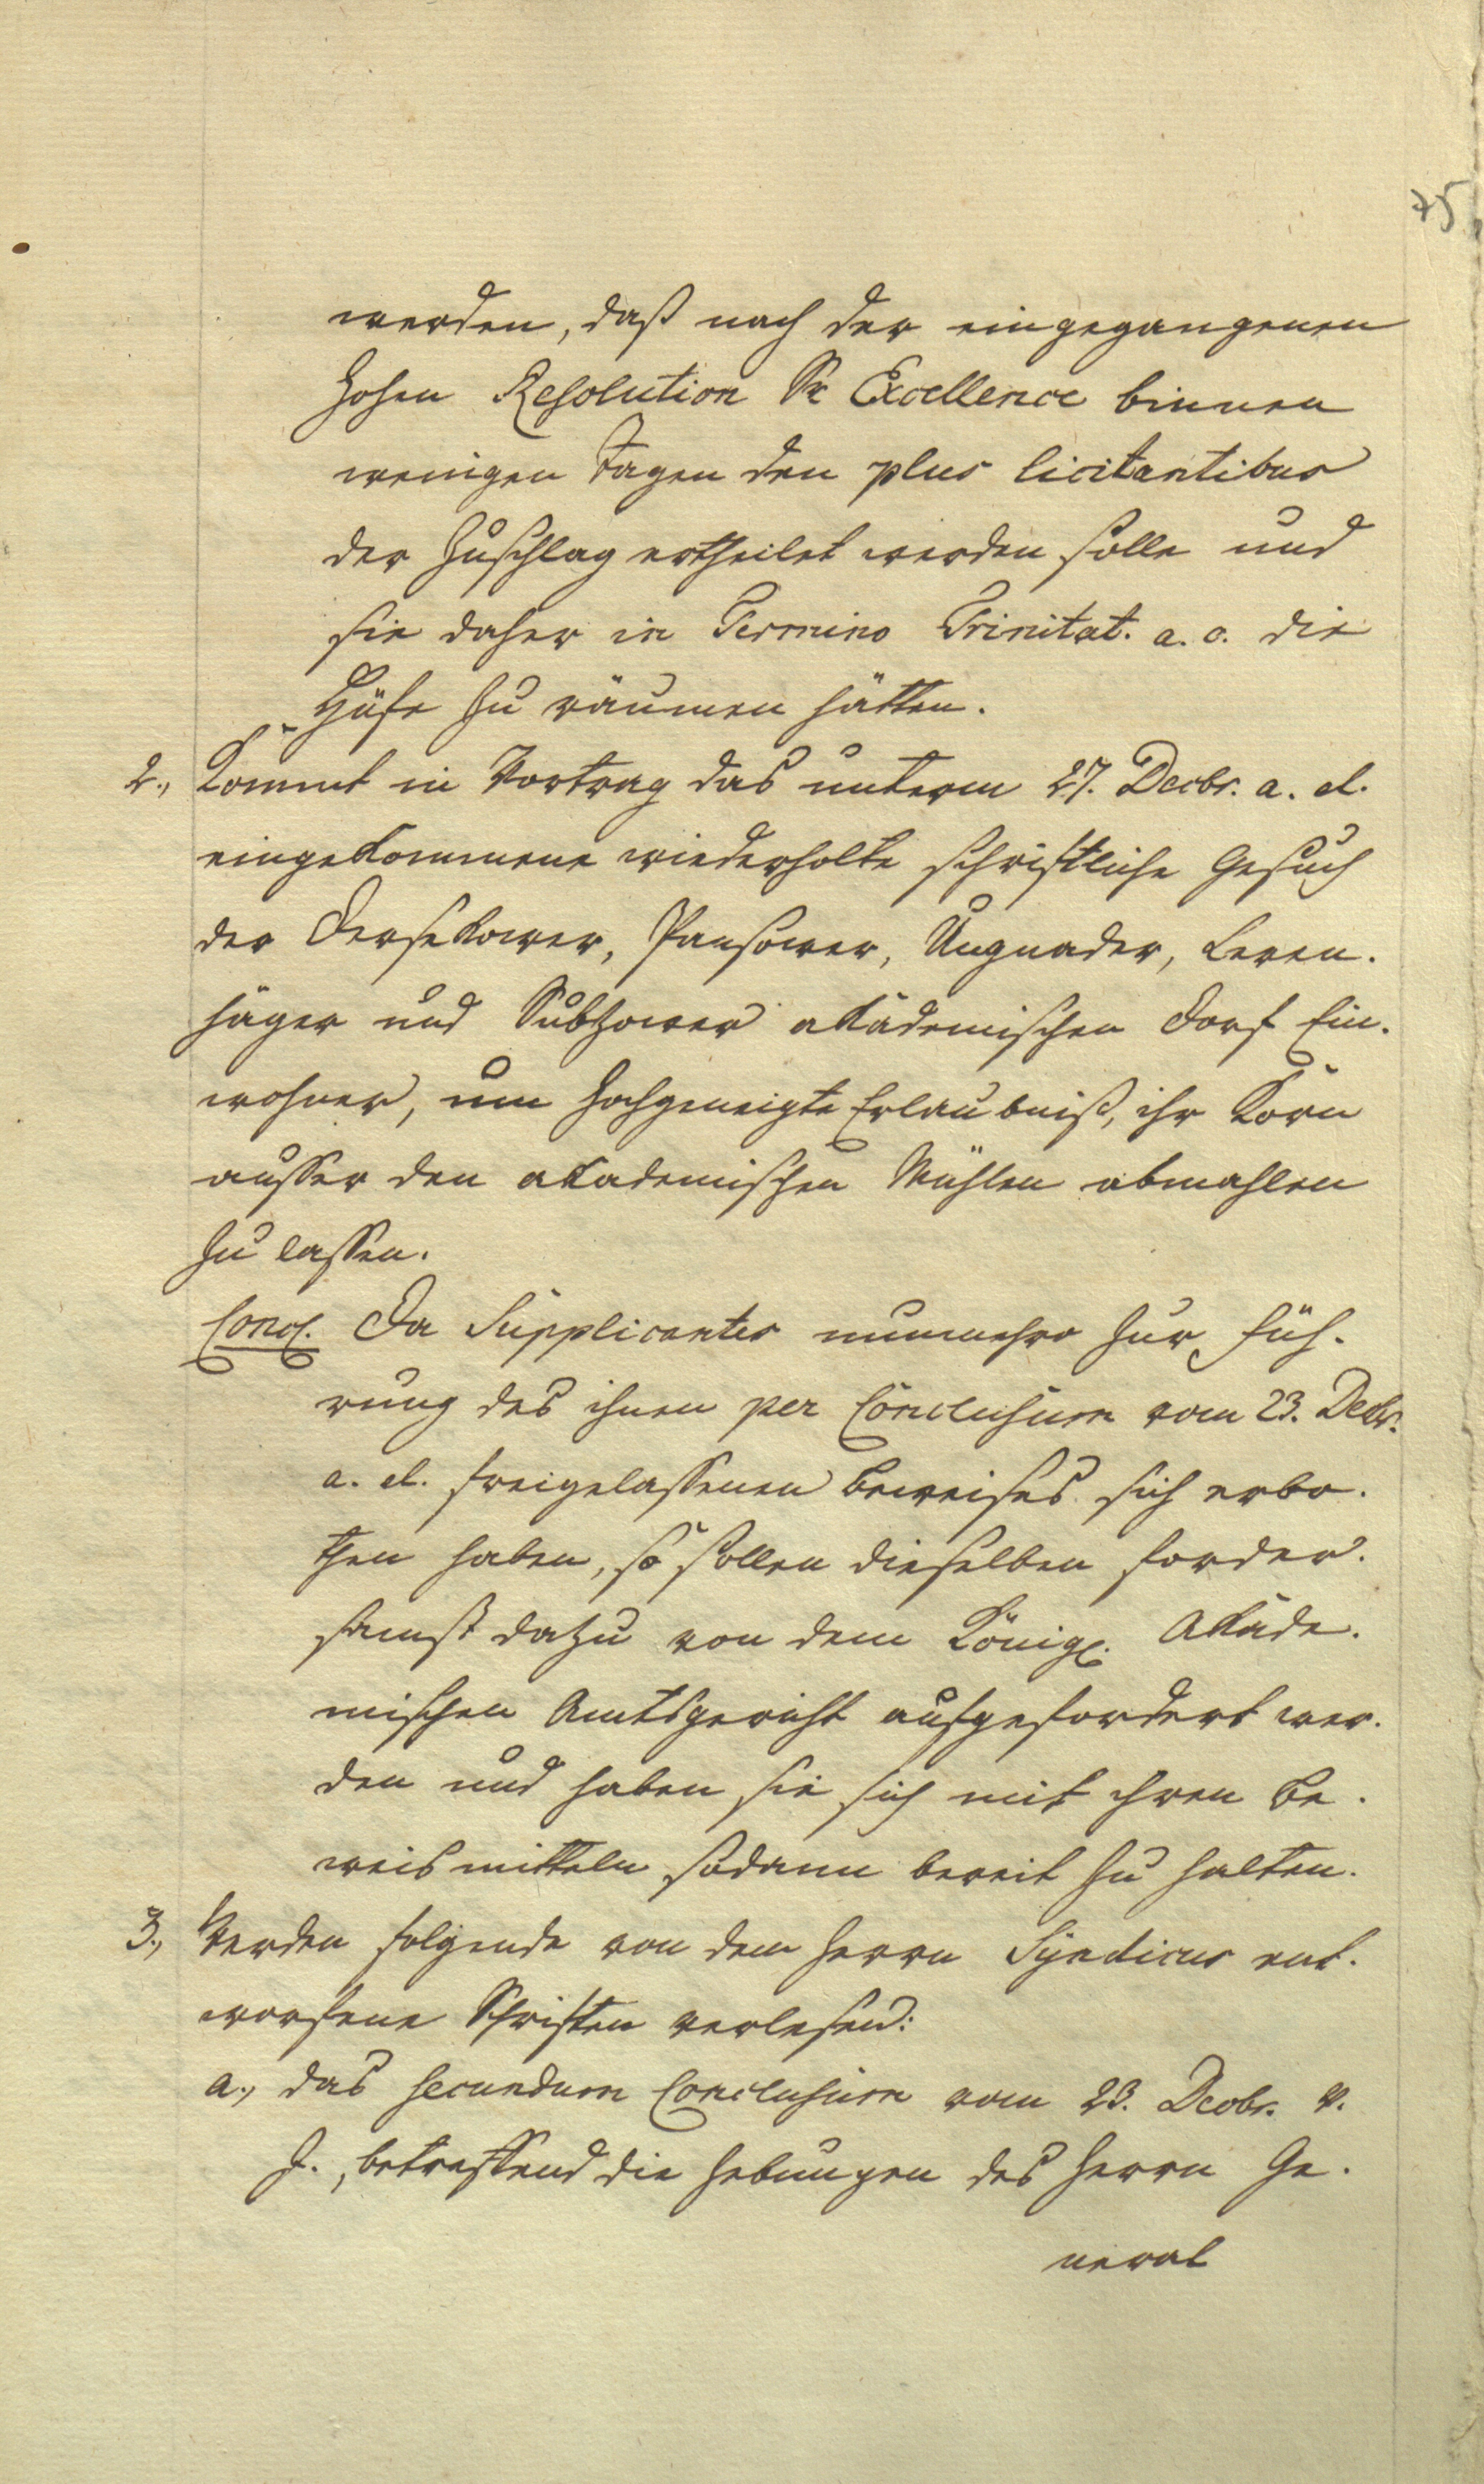werden, daß nach der eingegangenen
Hohen Resolution Sr Excellence binnen
wenigen Tagen den plus licitantibus
der Zuschlag ertheilet werden solle und
sie daher in Termino Trinitat. a. c. die
Höfe zu räumen hätten.
2., Kommt in Vortrag das unterm 27. Decbr. a. et.
eingekommene wiederholte schriftliche Gesuch
der Dersekower, Pansower, Ungnader, Leven¬
häger und Subzower akademischen Dorf Ein¬
wohner, um Hochgeneigte Erlaubniß, ihr Korn
ausser den akademischen Mühlen abmahlen
zu lassen.
Concl. Da Supplicantes nunmehro zur Füh¬
rung des ihnen per Conclusum vom 23. Debr.
a. el. freigelassenen Beweises sich erbo¬
then haben, so sollen dieselben forder¬
samst dazu von dem Königl. Akade¬
mischen Amtsgericht aufgefordert wer¬
den und haben sie sich mit ihren Be¬
weismitteln sodann bereit zu halten.
3., Werden folgende von dem Herrn Sÿndicus ent¬
worfene Schriften verlesen:
a., das secundum Conclusum vom 23. Decbr. v.
J. betreffend die Hebungen des Herrn Ge¬
neral